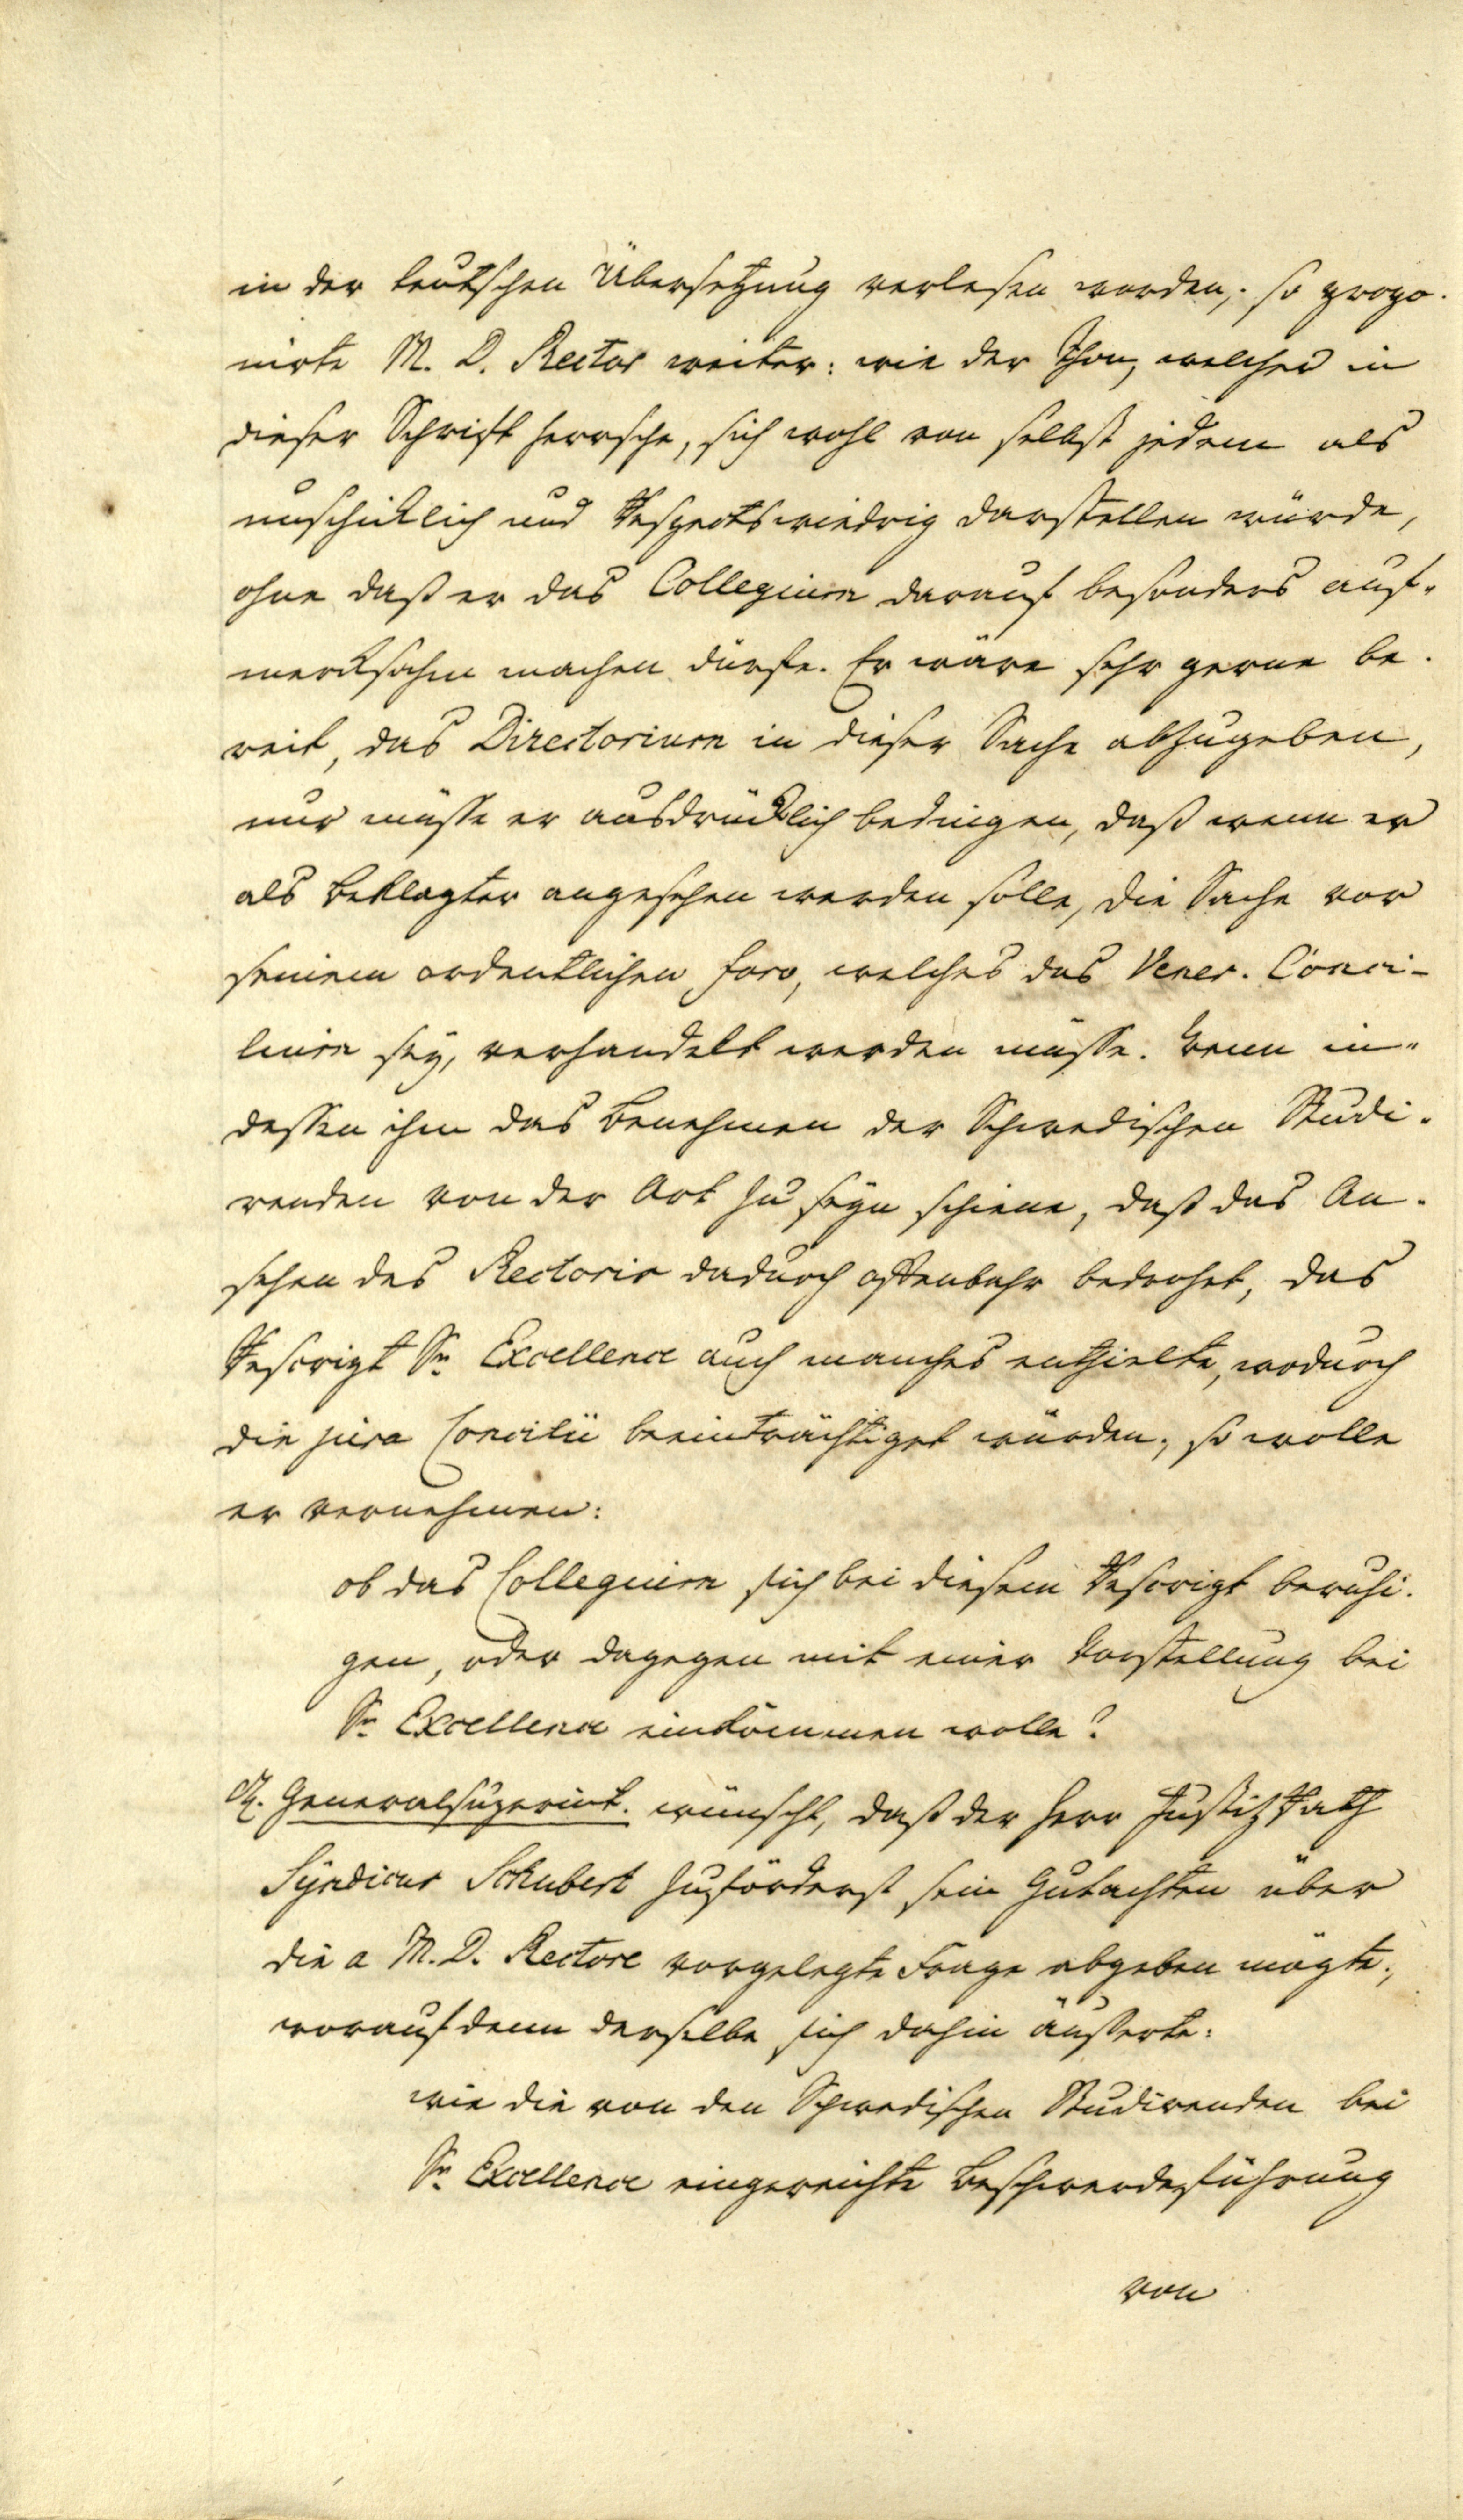in der teutschen Übersetzung verlesen worden; so propo¬
nirte M. D. Rector weiter: wie der Thon, welcher in
dieser Schrift herrsche, sich wohl von selbst jedem als
unschicklich und Respects wiedrig darstellen würde,
ohne daß er das Collegium darauf besonders auf¬
mercksahm machen dürfe. Er wäre sehr gerne be¬
reit, das Directorium in dieser Sache abzugeben,
nur müsse er ausdrüklich bedingen, daß wenn er
als Beklagter angesehen werden solle, die Sache vor
seinem ordentlichen foro, welches das Vener. Conci¬
lium seÿ, verhandelt werden müsse. Wenn in¬
dessen ihm das Benehmen der Schwedischen Studi¬
renden von der Art zu seÿn schiene, daß das An¬
sehen des Rectoris dadurch offenbahr bedrohet, das
Rescript Sr Excellence auch manches enthielte, wodurch
die jura Concilii beeinträchtiget würden; so wolle
er vernehmen:
ob das Collegium sich bei diesem Rescript beruhi¬
gen, oder dagegen mit einer Vorstellung bei
Sr. Excellence einkommen wolle?
dh. Generalsuperint. wünscht, daß der Herr JustizRath
Sÿndicus Schubert zuförderst sein Gutachten über
die a M. D. Rectore vorgelegte Frage abgeben mögte;
worauf denn derselbe sich dahin äusserte:
wie die von den Schwedischen Studirenden bei
Sr Excellence eingereichte Beschwerdeführung
von